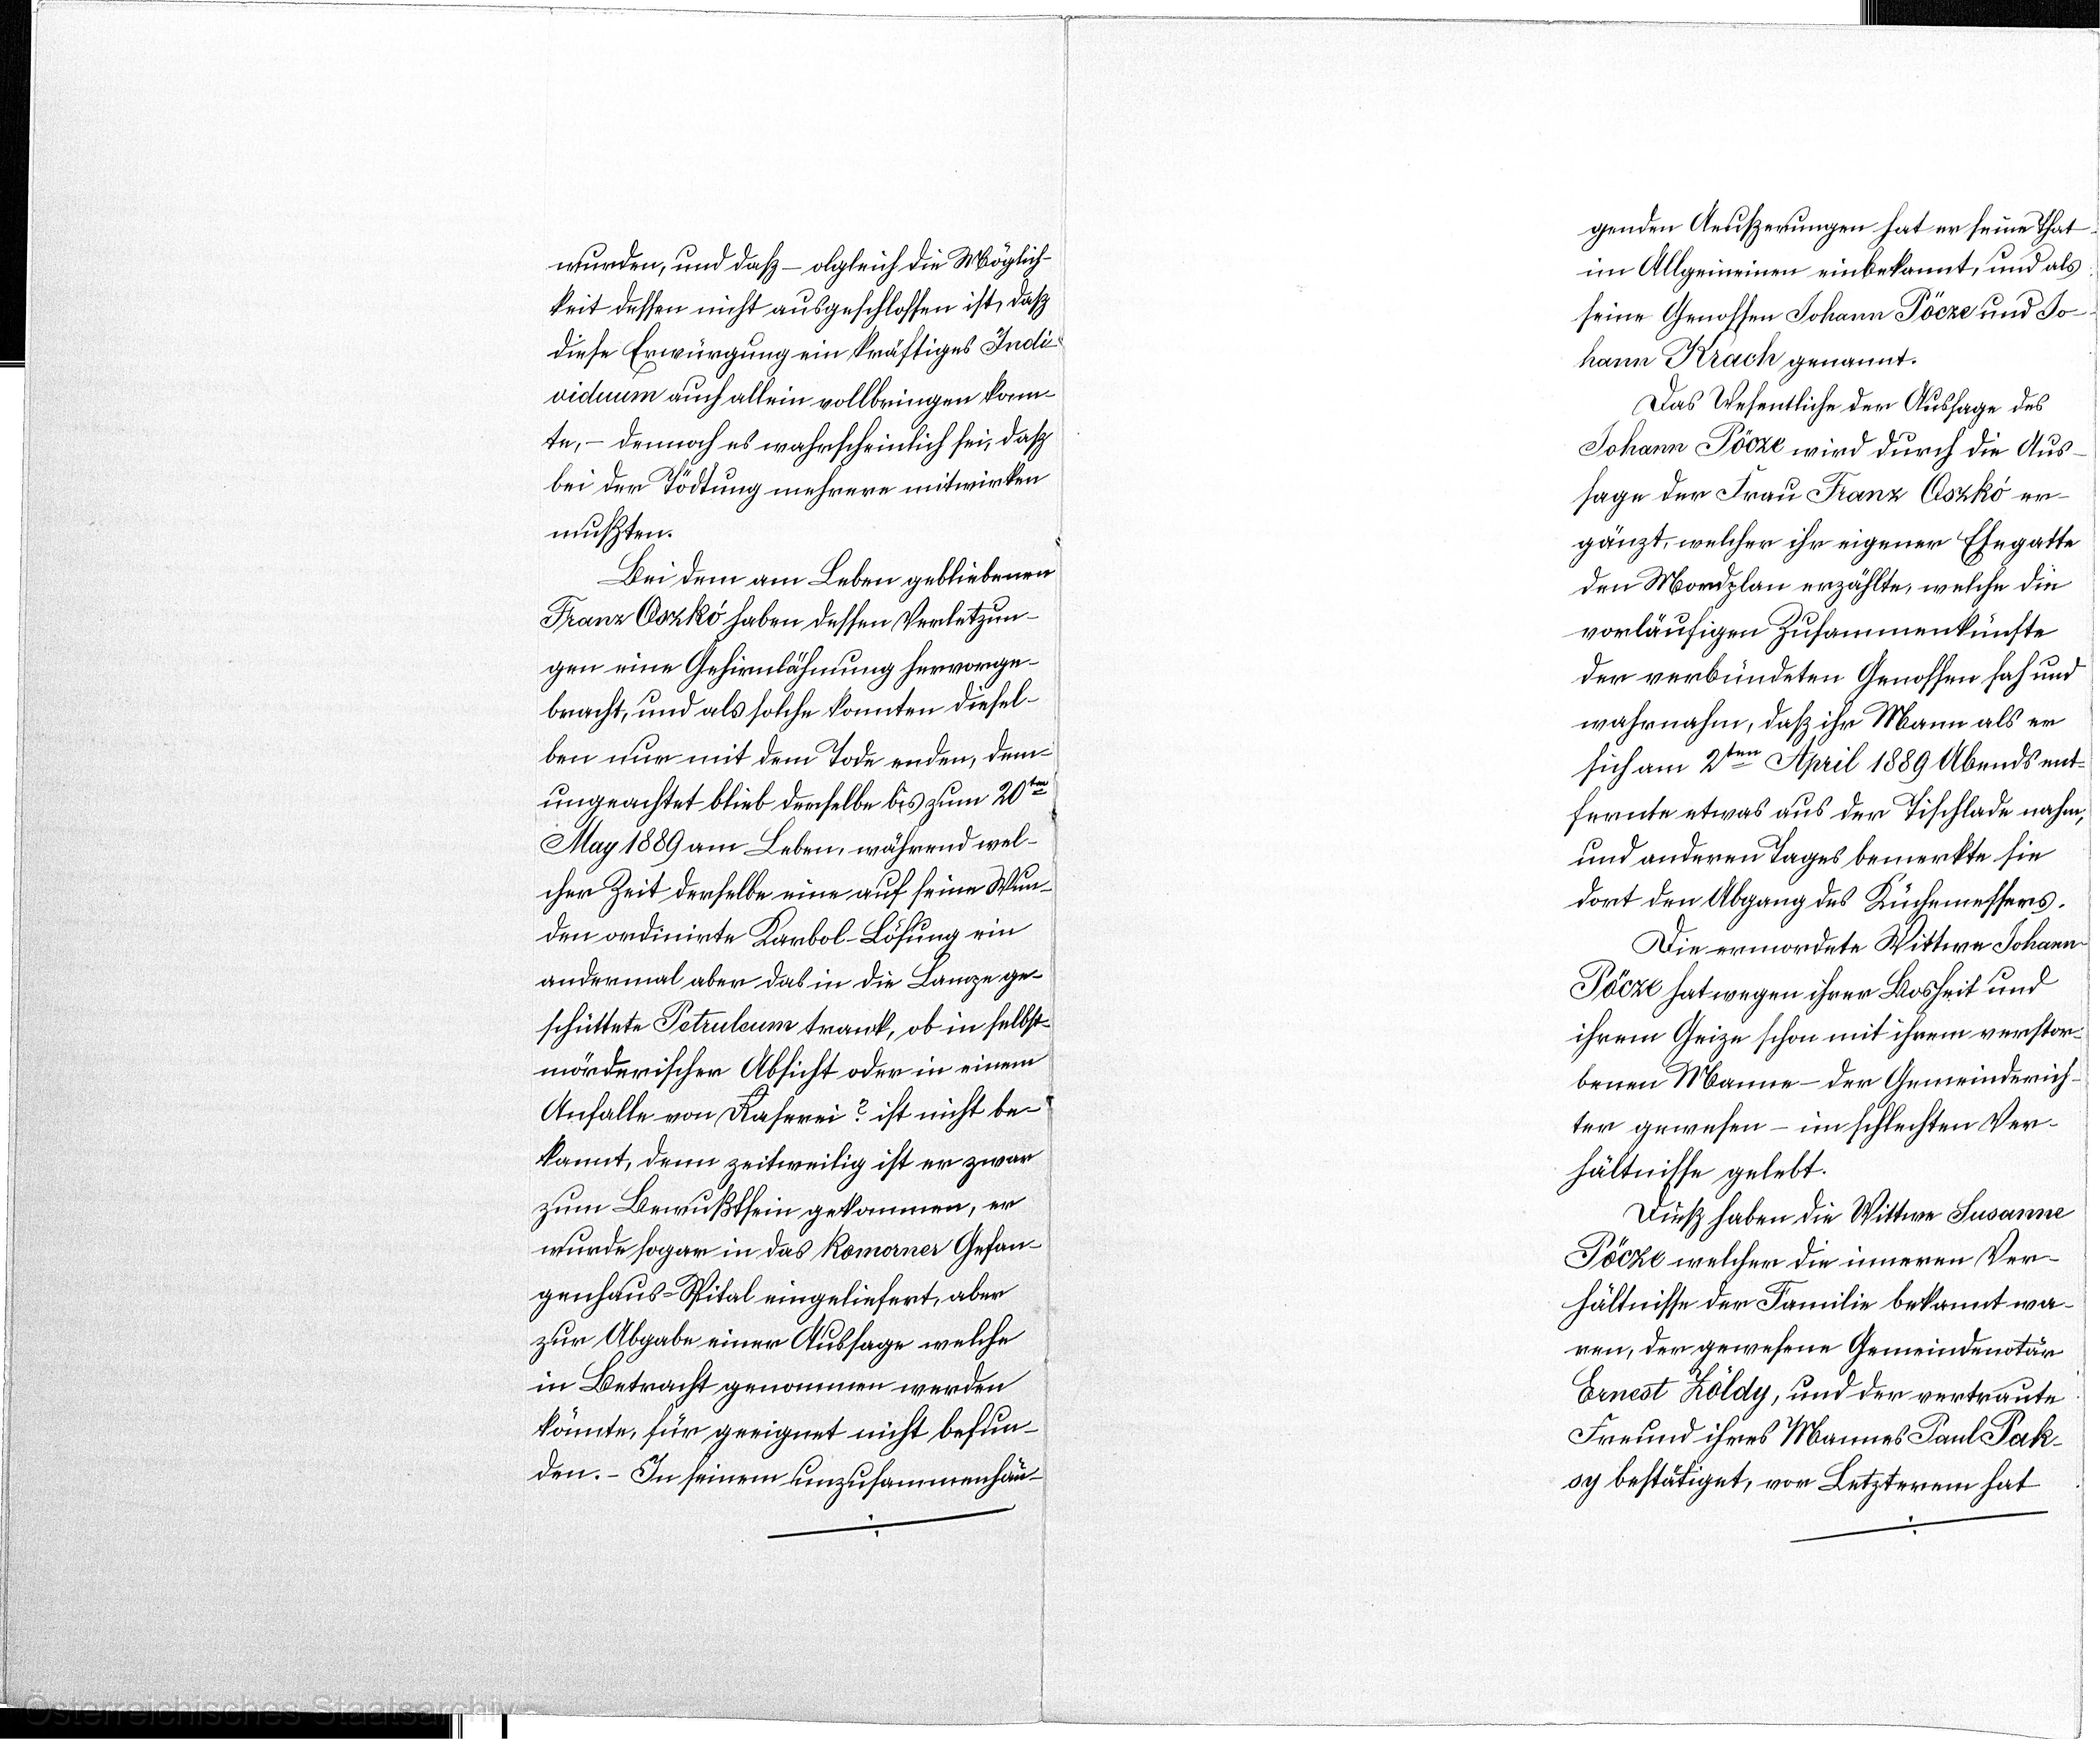wurden, und daß – obgleich die Möglich¬
keit dessen nicht ausgeschlossen ist, daß
diese Erwürgung ein kräftiges Indi¬
viduum auch allein vollbringen konn¬
te, -- dennoch es wahrscheinlich sei, daß
bei der Tödtung mehrere mitwirken
mußten.
Bei dem am Leben gebliebenen
Franz Oszkó haben dessen Verletzun¬
gen eine Gehirnlähmung hervorge¬
bracht, und als solche konnten diesel¬
ben nur mit dem Tode enden, dem¬
ungeachtet blieb derselbe bis zum 20ten
May 1889 am Leben, während wel¬
cher Zeit derselbe eine auf seine Wun¬
den ordinirte Karbol-Lösung ein
andermal aber das in die Lampe ge¬
schüttete Petruleum trank, ob in selbst¬
mörderischen Absicht oder in einem
Anfallte von Raserei? ist nicht be¬
kannt, denn zeitweilig ist er zwar
zum Bewußtsein gekommen, er
wurde sogar in das Komorner Gefan¬
genhaus-Spital eingeliefert, aber
zur Abgabe einer Aussage welche
in Betracht genommen warden
könnte, für geeignet nicht befun¬
den. In seinem unzusammenhän¬
genden Aeußerungen hat er seine That
im Allgemeinen einbekannt, und als
seine Genossen Johann Pöcze und Jo¬
hann Krach genannt.
Das Wesentliche der Aussage des
Johann Pöcze wird durch die Aus¬
sage der Frau Franz Oszkó er¬
gänzt, welcher ihr eigener Ehegatte
den Mordplan erzählte, welche die
vorläufigen Zusammenkünfte
der verbündeten Genossen sah und
wahrnahm, daß ihr Mann als er
sich am 2ten April 1889 Abends ent¬
fernte etwas aus der Tischlade nahm,
und anderen Tages bemerkte sie
dort den Abgang des Küchenmessers.
Die ermordete Wittwe Johann
Pöcze hat wegen ihrer Bosheit und
ihrem Geize schon mit ihrem verstor¬
benen Manne – der Gemenderich¬
ter gewesen – im schlechten Ver¬
hältnisse gelebt.
Dieß haben die Wittwe Susanne
Pöcze welcher die inneren Ver¬
hältnisse der Familie bekannt wa¬
ren, der gewesene Gemeindenotär
Ernest Zöldy, und der vertraute
Freund ihres Mannes Paul Pak¬
sy bestätiget, vor Letzterem hat